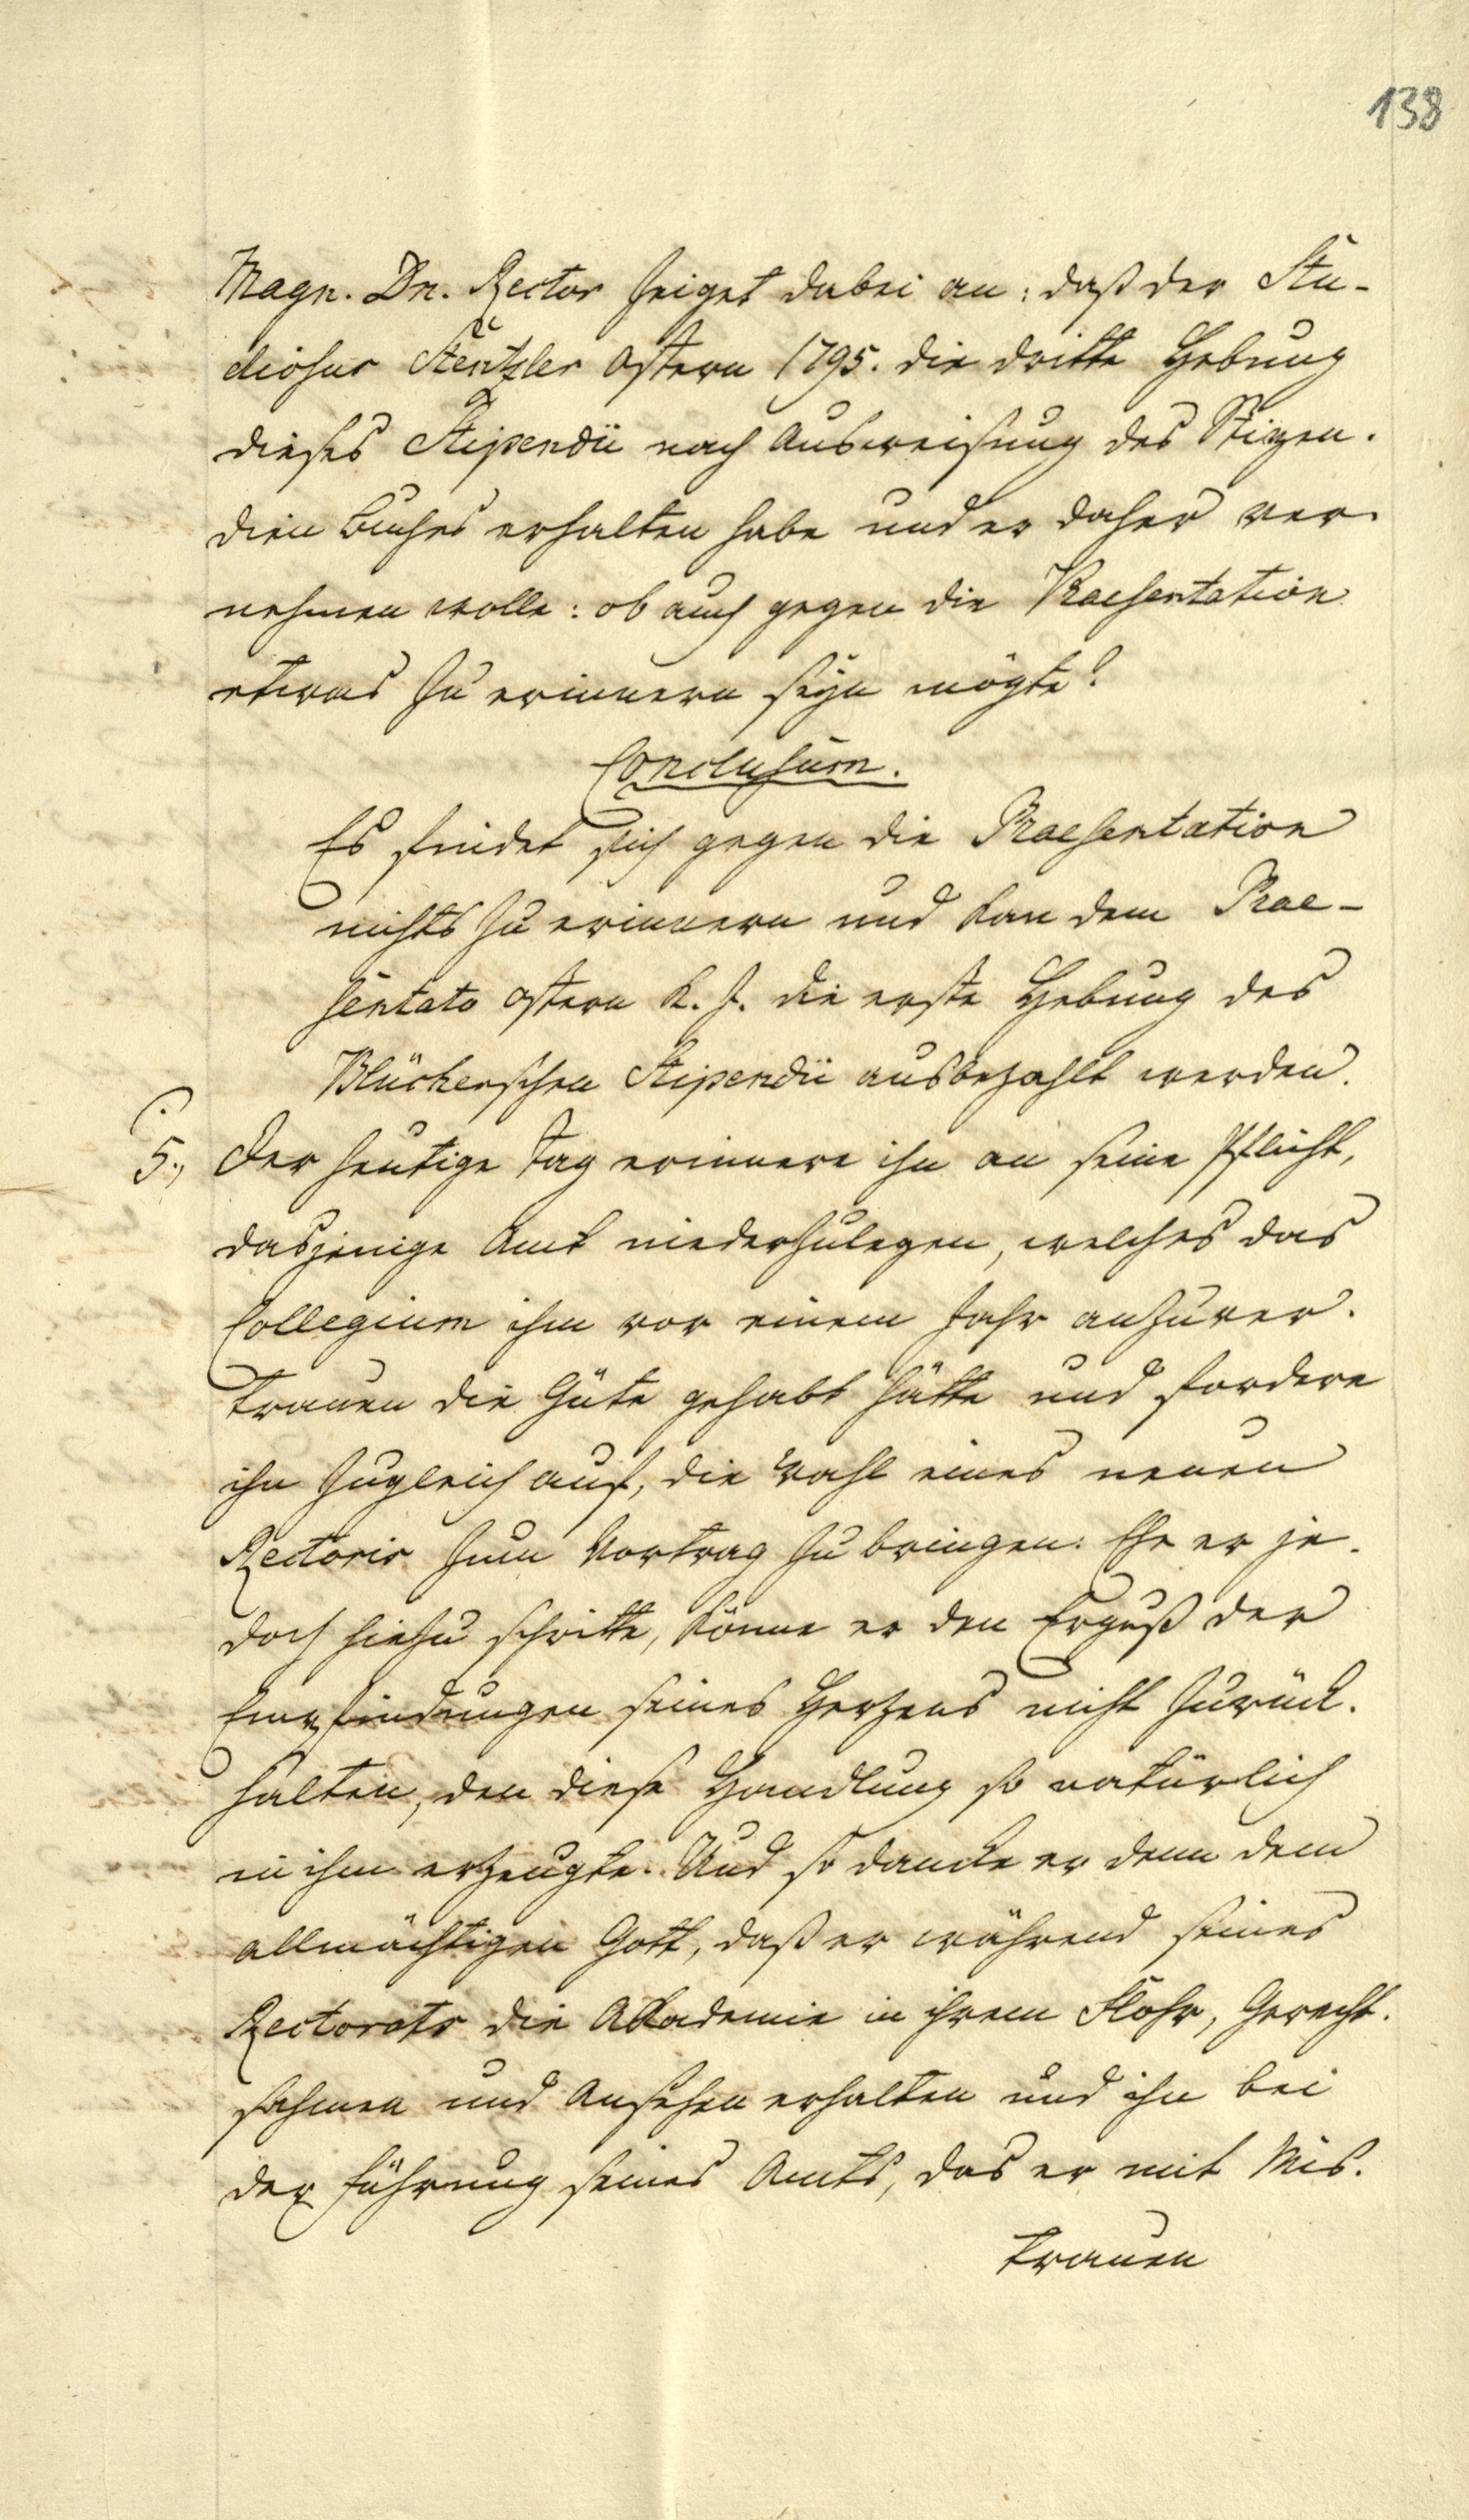Magn. Dn. Rector zeiget dabei an: daß der Stu¬
diosus Stentzler Ostern 1795. die dritte Hebung
dieses Stipendii nach Ausweisung des Stipen¬
dien Buches erhalten habe und er daher ver¬
nehmen wolle: ob auch gegen die Praesentation
etwas zu erinnern seÿn mögte?
Conclusum.
Es findet sich gegen die Praesentation
nichts zu erinnern und kan dem Prae¬
sentato Ostern K. J. die erste Hebung des
Blücherschen Stipendii ausbezahlt werden.
5., Der heutige Tag erinnere ihn an seine Pflicht,
dasjenige Amt niederzulegen, welches das
Collegium ihm vor einem Jahr anzuver¬
trauen die Güte gehabt hätte und fordere
ihn zugleich auf, die Wahl eines neuen
Rectoris zum Vortrag zu bringen. Ehe er je¬
doch hiezu schritte, könne er den Erguß der
Empfindungen seines Herzens nicht zurück¬
halten, den diese Handlung so natürlich
in ihm erzeugte. Und so dancke er denn dem
allmächtigen Gott, daß er während seines
Rectorats die Akademie in ihrem Flohr, Gerecht
sahmen und Ansehen erhalten und ihn bei
der Führung seines Amts, das er mit Mis¬
trauen